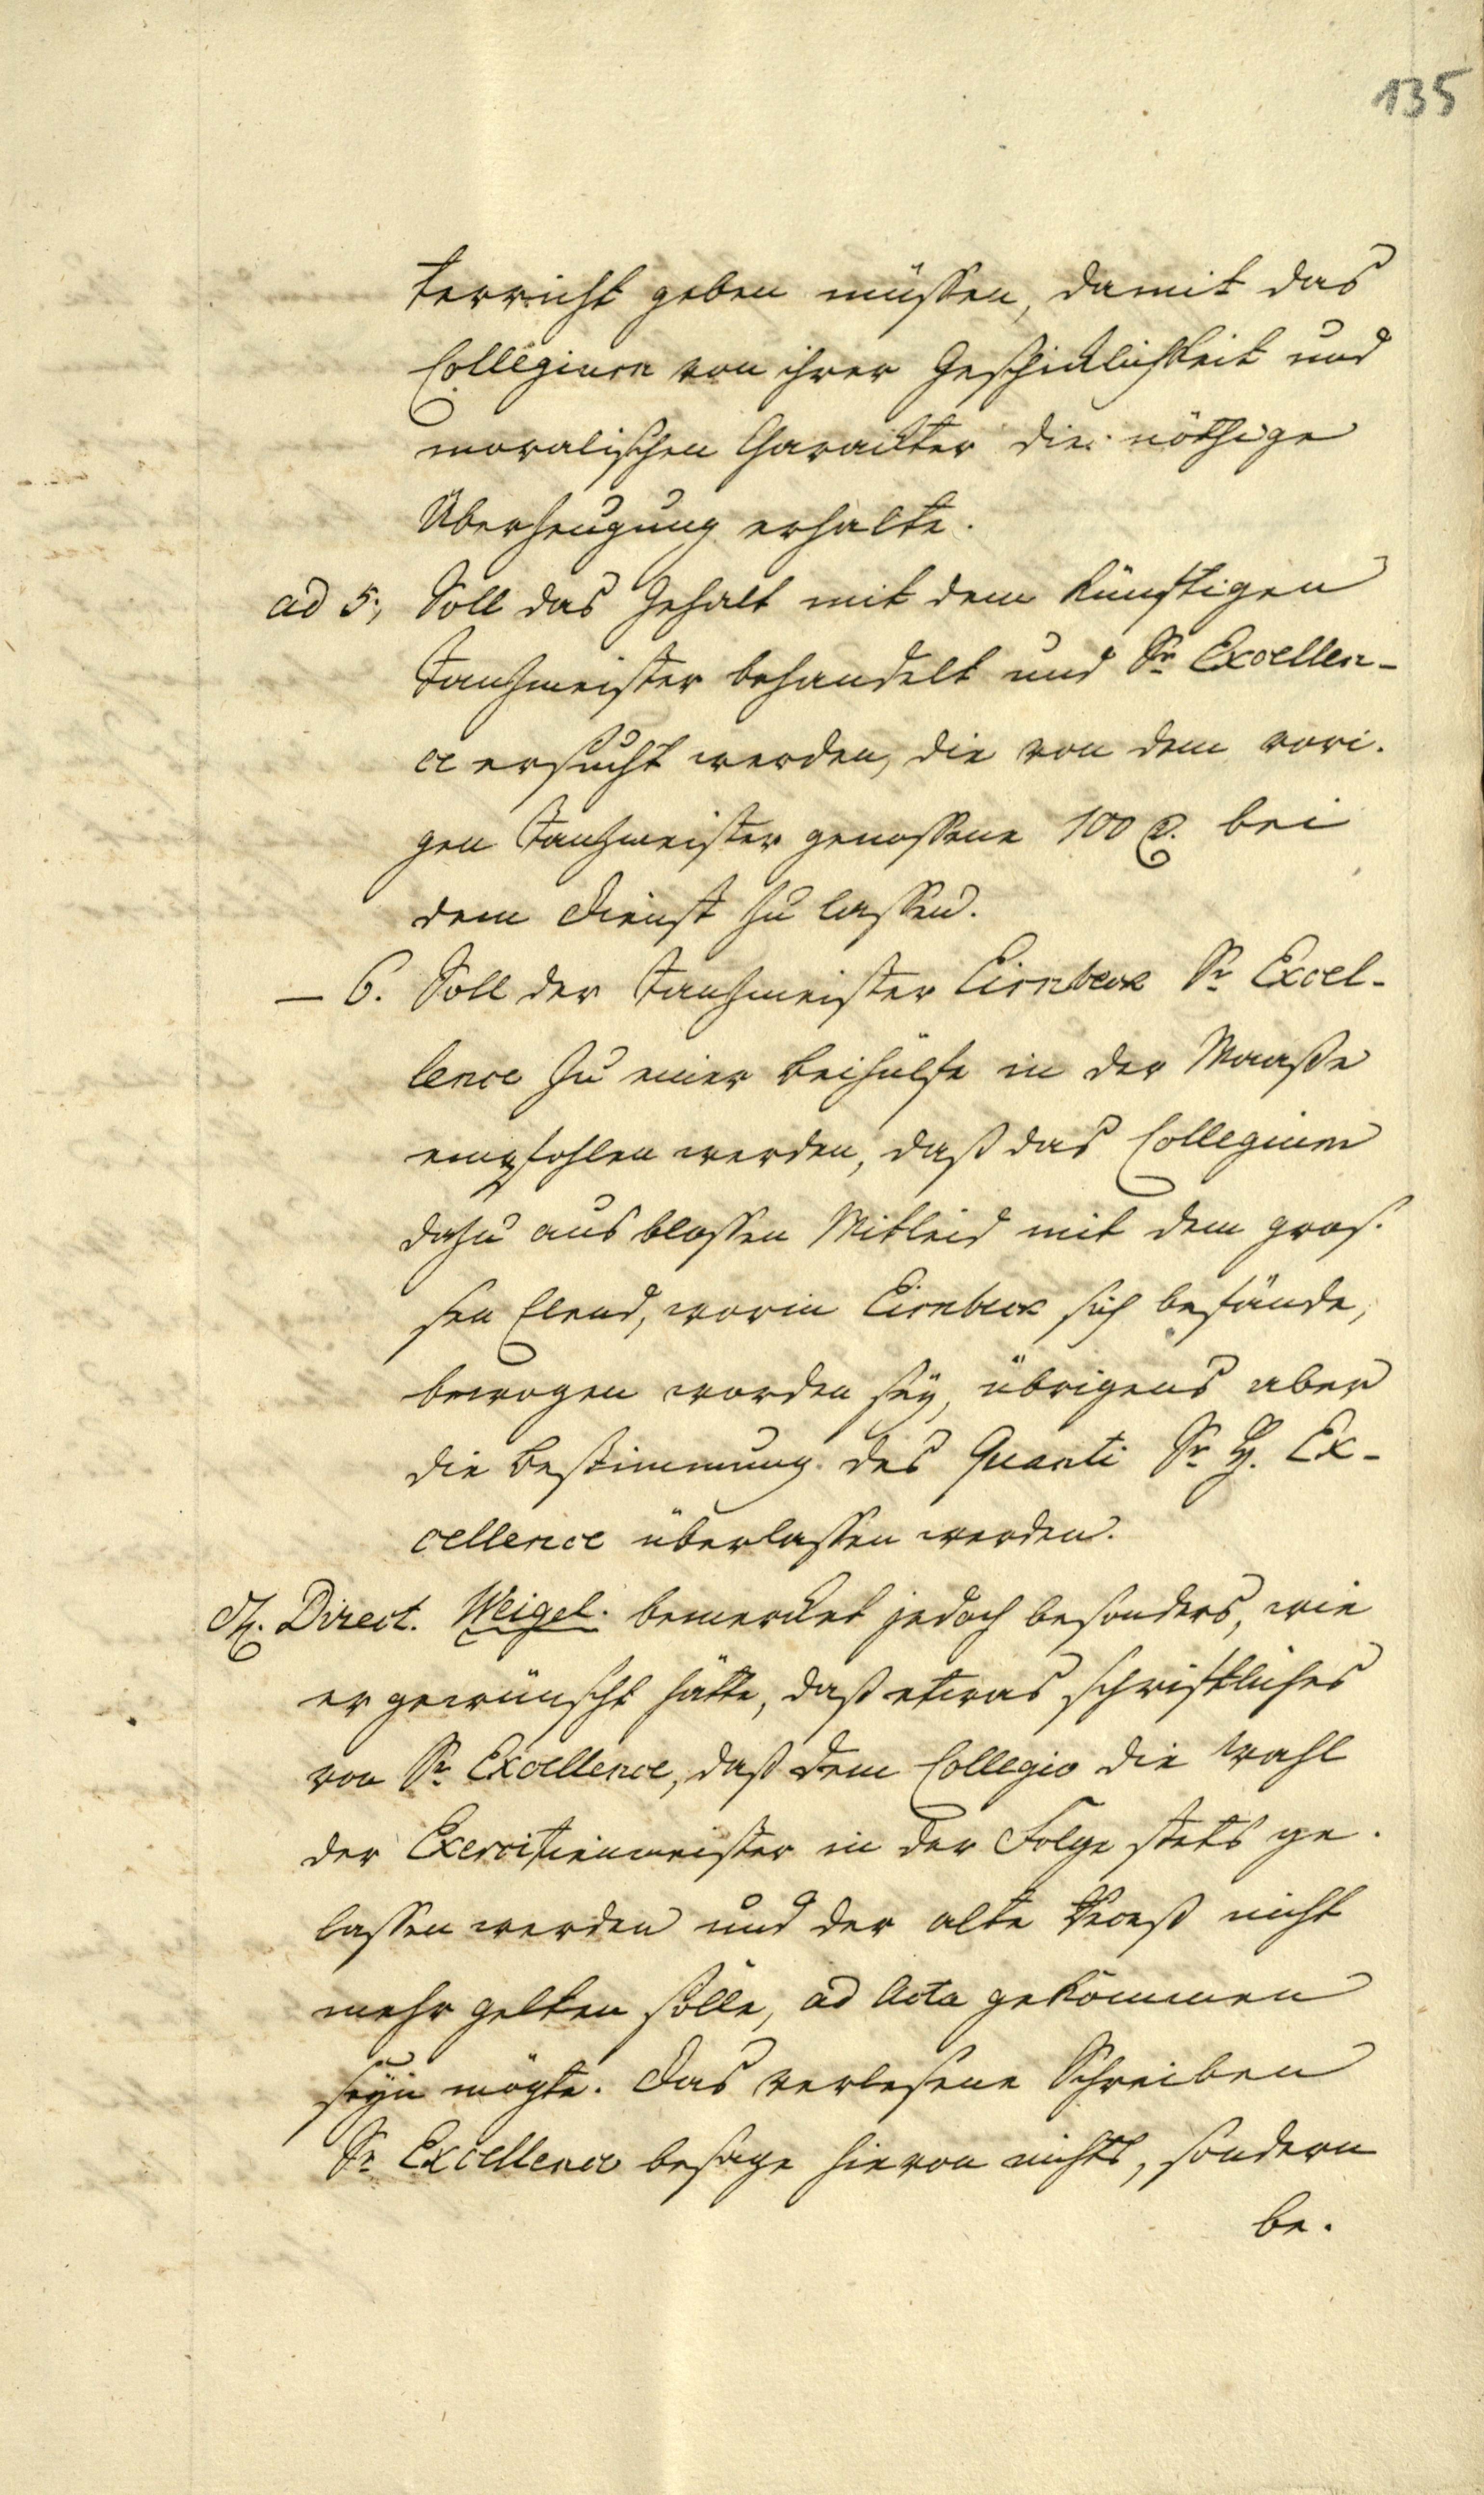terricht geben müssen, damit das
Collegium von ihrer Geschicklichkeit und
moralischen Charackter die nöthige
Überzeugung erhalte.
ad 5., soll das Gehalt mit dem künftigen
Tanzmeister behandelt und Sr Excellen¬
ce ersucht werden, die von dem vori¬
gen Tanzmeister genossene 100 l. bei
dem Dienst zu lassen.
6. Soll der Tanzmeister Eimbeck Sr Excel¬
lence zu einer Beihülfe in der Maaße
empfohlen werden, daß das Collegium
dazu aus blossen Mitleid mit dem gros¬
sen Elend, worin Eimbeck sich befände,
bewogen worden seÿ, übrigens aber
die Bestimmung des Quanti Sr H. Ex¬
cellence überlassen werden.
dh. Direct. Weigel. bemercket jedoch besonders, wie
er gewünscht hätte, daß etwas schriftliches
von Sr Excellence, daß dem Collegio die Wahl
der Exercitienmeister in der Folge stets ge¬
lassen werden und der alte Receß nicht
mehr gelten solle, ad Acta gekommen
seÿn mögte. Das verlesene Schreiben
Sr. Excellence besage hievon nichts, sondern
be.